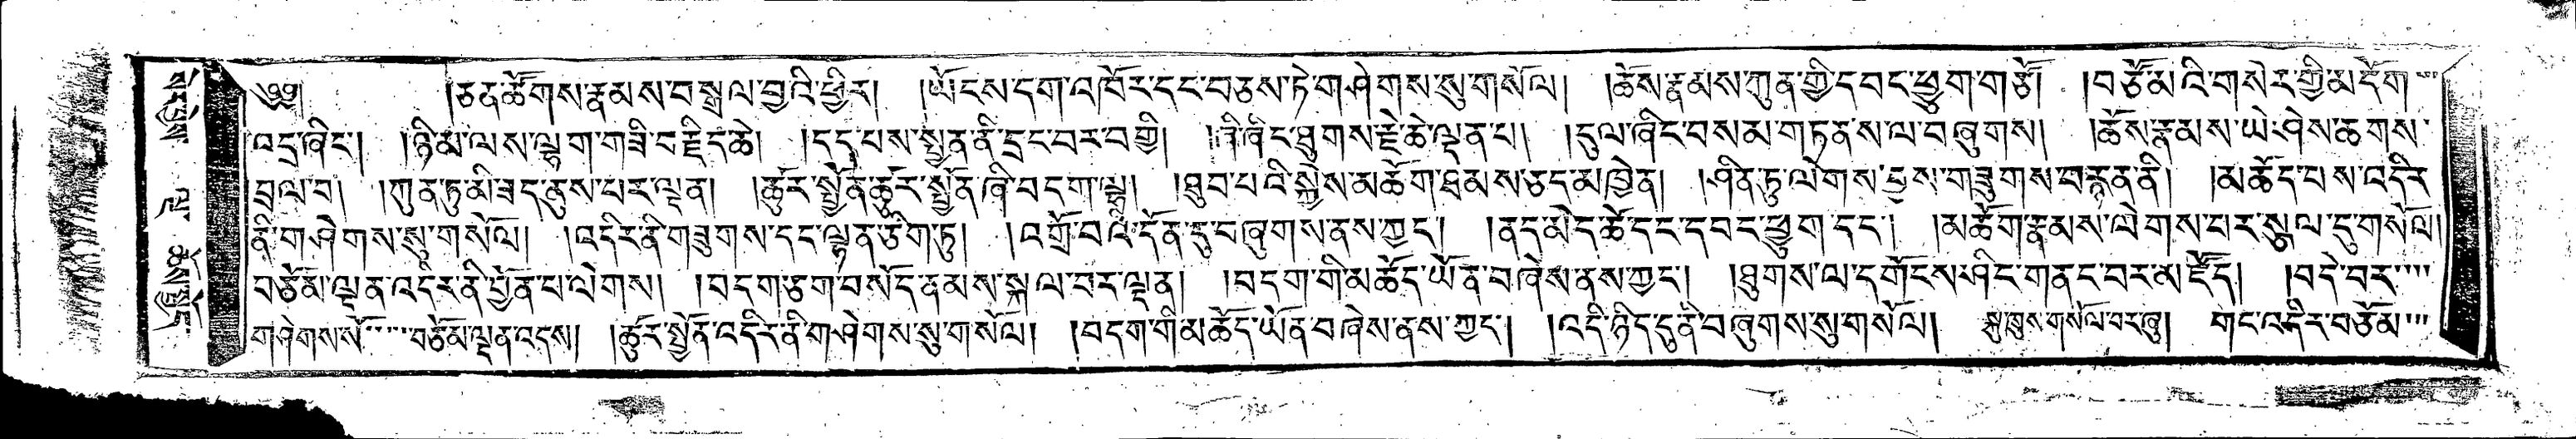༄༅། །ཅན་ཚོགས་རྣམས་བསྒྲལ་བྱའི་ཕྱིར། །ཡོངས་དག་འཁོར་དང་བཅས་ཏེ་གཤེགས་སུ་གསོལ། །ཆོས་རྣམས་ཀུན་གྱི་དབང་ཕྱུག་གཙོ། །བཙོ་མའི་གསེར་གྱི་མདོག་
འདྲ་ཞིང་། །ཉི་མ་ལས་ལྷག་གཟི་བརྗིད་ཆེ། །དད་པས་སྤྱན་ནི་དྲང་བར་བགྱི། །ཞི་ཞིང་ཐུགས་རྗེ་ཆེ་ལྡན་པ། །དུལ་ཞིང་བསམ་གཏན་ས་ལ་བཞུགས། །ཆོས་རྣམས་ཡེ་ཤེས་ཆགས་
བྲལ་བ། །ཀུན་ཏུ་མི་ཟད་ནུས་པར་ལྡན། །ཚུར་སྤྱོན་ཚུར་སྤྱོན་ཞི་བདག་ལྷ། །ཐུབ་པའི་སྐྱེས་མཆོག་ཐམས་ཅད་མཁྱེན། །ཤིན་ཏུ་ལེགས་བྱས་གཟུགས་བརྙན་ནི། །མཆོད་པས་འདིར་
ནི་གཤེགས་སུ་གསོལ། །འདིར་ནི་གཟུགས་དང་ལྷན་ཅིག་ཏུ། །འགྲོ་བའི་དོན་དུ་བཞུགས་ནས་ཀྱང་། །ནད་མེད་ཚེ་དང་དབང་ཕྱུག་དང་། །མཆོག་རྣམས་ལེགས་པར་སྩལ་དུ་གསོལ།
བཅོམ་ལྡན་འདིར་ནི་བྱོན་པ་ལེགས། །བདག་ཅག་བསོད་ནམས་སྐལ་བར་ལྡན། །བདག་གི་མཆོད་ཡོན་བཞེས་ནས་ཀྱང་། །ཐུགས་ལ་དགོངས་ཤིང་གནང་བར་མཛོད། །བདེ་བར་
གཤེགས་སོ་བཅོམ་ལྡན་འདས། །ཚུར་སྤྱོན་འདིར་ནི་བཤེགས་སུ་གསོལ། །བདག་གི་མཆོད་ཡོན་བཞེས་ནས་ཀྱང་། །འདི་ཉིད་དུ་ནི་བཞུགས་སུ་གསོལ། །སྐུ་ཁྲུས་གསོལ་བར་ཞུ། གང་འདིར་བཅོམ་